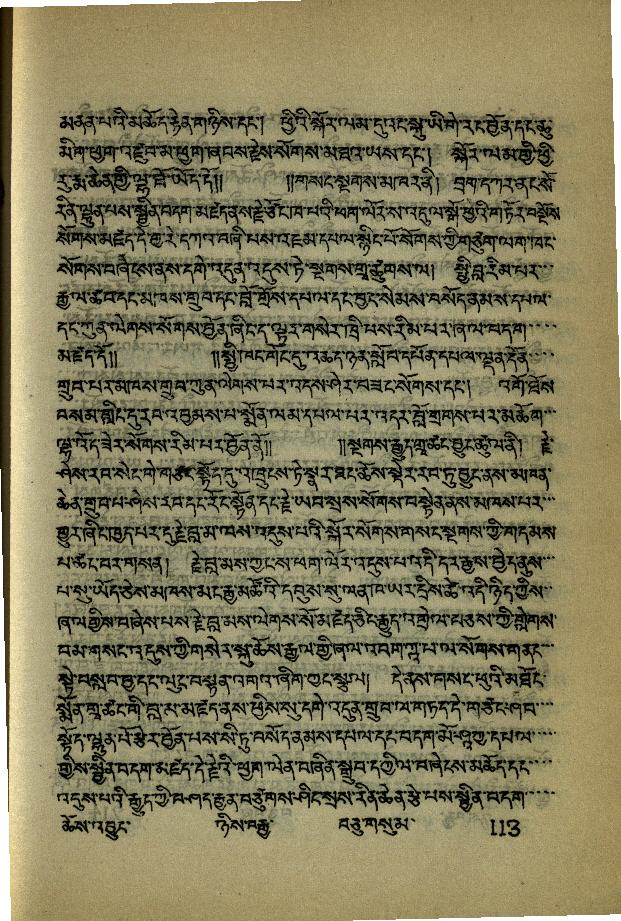མནན་པའི་མཆོད་རྟེན་གཉིས་དང་། ཕྱིའི་སྐོར་ལམ་དུའང་སྐུ་ཡི་གེ་རང་བྱོན་དང་ཆུ་
མིག་ཕྱག་འཛུབ་མ་ཕྱག་ཞབས་རྗེས་སོགས་མཐའ་ཡས་དང་། སྐོར་ལམ་གྱི་ཕྱི་
རུ་རྨ་ཆེན་གྱི་ལྷ་ཐོ་ཡོད་དོ།། །།གསང་སྔགས་མཁར་ནི། བྲག་དཀར་ནང་སོ་
རིན་ལྷུན་པས་སྦྱིན་བདག་མཛད་ནས་རྗེ་ཙོང་ཁ་པའི་ཕག་ལོར་ས་འདུལ་སྒོ་ཕྱའི་གཏོར་བསྔོས་
སོགས་མཛད་དེ་གྱ་རེ་དཀའ་བཞི་པས་འཇམ་དཔལ་སྙིང་པོ་སོགས་ཀྱི་གཙུག་ལག་ཁང་
སོགས་བཞེངས་ནས་དགེ་འདུན་འདུས་ཏེ་སྔགས་གྲྭ་ཚུགས་ལ། སྤྱི་བླ་རིམ་པར་
རྒྱལ་ཚབ་དང་མཁས་གྲུབ་དང་བློ་གྲོས་དཔལ་དང་བྱང་སེམས་བསོད་ནམས་དཔལ་
དང་ཀུན་ལེགས་སོགས་བྱོན་ཞིང་ད་ལྟར་གསེར་ཁྲི་པས་རིམ་པར་ཞལ་བདག་
མཛད་དོ།། །།སྤྱི་ཁང་གོང་དུ་འཆད་ཉན་སློབ་དཔོན་དཔལ་ལྡན་དོན་
གྲུབ་པར་མཁས་གྲུབ་ཀུན་ལེགས་པར་འདས་ཤེར་བཟང་སོགས་དང་། འོག་ཐོས་
བསམ་གླིང་དུ་རབ་འབྱམས་པ་སྨོན་ལམ་དཔལ་པར་འདར་བློ་གྲགས་པར་མཆོག་
ལྷ་འོད་ཟེར་སོགས་རིམ་པར་བྱོན་ནོ།། །།སྔགས་རྒྱུད་གྲྭ་ཚང་བྱུང་ཚུལ་ནི། རྗེ་
ཤེས་རབ་སེང་གེ་གཙང་སྟོད་དུ་འཁྲུངས་ཏེ་སྣར་ཐང་ཆོས་སྡེར་རབ་ཏུ་བྱུང་ནས་མཁན་
ཆེན་གྲུབ་པ་ཤེས་རབ་དང་རོང་སྟོན་དང་རྗེ་ཡབ་སྲས་སོགས་བསྟེན་ནས་མཁས་པར་
གྱུར་ཞིང་ཁྱད་པར་དུ་རྗེ་བླ་མ་ལས་འདུས་པའི་སྐོར་སོགས་གསང་སྔགས་ཀྱི་གདམས་
པ་ཚང་བར་གསན། རྗེ་བླ་མས་ཀྱང་ས་ཕག་ལོར་འདུས་པ་འདི་ད་ར་རྒྱས་བྱེད་ནུས་
པ་སུ་ཡོད་ཅེས་མཁས་མང་རྒྱ་མཚོའི་དབུས་སུ་ལན་ཁ་ཡང་དྲིས་ཚེ་འདི་ཉིད་ཀྱིས་
ཞལ་གྱིས་བཞེས་པས་རྗེ་བླ་མས་ལེགས་སོ་མཛད་ཅིང་རྒྱུད་འགྲེལ་བཅས་ཀྱི་གླེགས་
བམ་གསང་འདུས་ཀྱི་གསེར་སྐུ་ཆོས་རྒྱལ་གྱི་ཞལ་འབག་ཀཱ་པ་ལ་སོགས་གནང་
སྟེ་བསླབ་བྱ་དང་ལུང་བསྟན་འགའ་ཞིག་ཀྱང་སྩལ། དེ་ནས་གསང་ཕུའི་མཐོང་
སྨོན་གྲྭ་ཚང་གི་བླ་མ་མཛད་ནས་ཕྱིས་སུ་དགེ་འདུན་གྲུབ་ལ་གཏད་དེ་གཙང་ཤབ་
སྟོད་ལྷུན་པོ་རྩེར་བྱོན་པས་སི་ཏུ་བསོད་ནམས་དཔལ་དང་བདག་མོ་ཤཱཀྱ་དཔལ་
གྱིས་སྦྱིན་བདག་མཛད་དེ་རྗེའི་ཕྱག་ལེན་བཞིན་སྒྲུབ་དཀྱིལ་བཞེངས་མཆོད་དང་
འདུས་པའི་རྒྱུད་ཀྱི་བཤད་རྒྱན་བཙུགས་ཤིང་སྲས་རིན་ཆེན་རྩེ་པས་སྦྱིན་བདག་